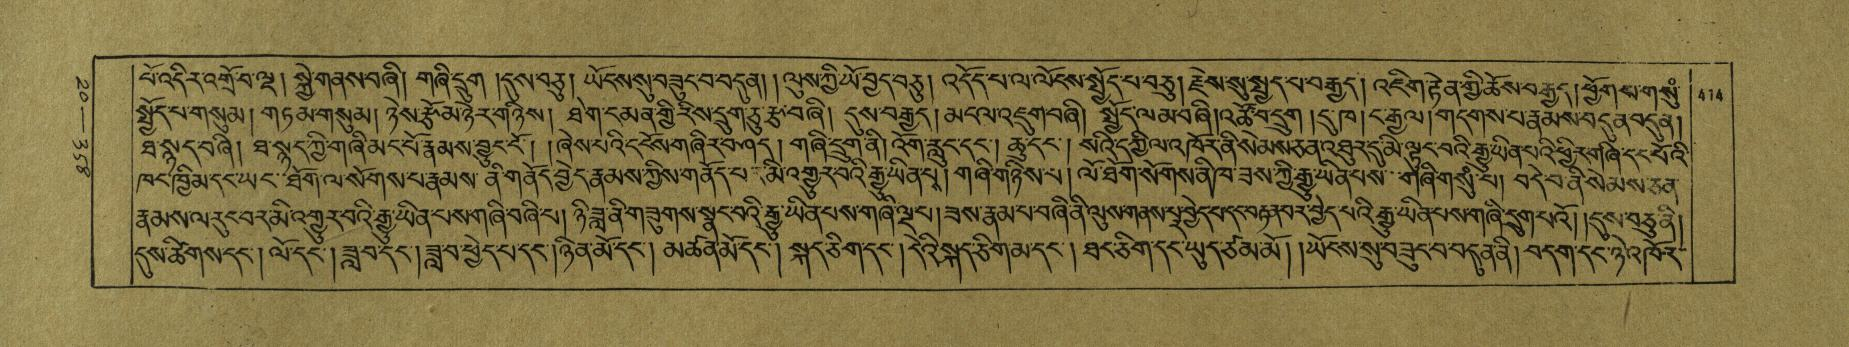པོ་འདིར་འགྲོ་བ་ལྔ། སྐྱེ་གནས་བཞི། གཞི་དྲུག །དུས་བཅུ། ཡོངས་སུ་བཟུང་བ་བདུན། །ལུས་ཀྱི་ཡོ་བྱད་བཅུ། འདོད་པ་ལ་ལོངས་སྤྱོད་པ་བཅུ། རྗེས་སུ་སྤྱད་པ་བརྒྱད། འཇིག་རྟེན་གྱི་ཆོས་བརྒྱད། ཕྱོགས་གསུཾ་
སྤྱོད་པ་གསུམ། གཏམ་གསུམ། ཉེས་རྩོམ་ཉེར་གཉིས། ཐེག་དམན་གྱི་རིས་དྲུག་ཅུ་རྩ་བཞི། དུས་བརྒྱད། མངལ་འཇུག་བཞི། སྤྱོད་ལམ་བཞི། འཚོ་བ་དྲུག །དུ་ཁ། ང་རྒྱལ། གདགས་པ་རྣམས་བདུན་བདུན།
ཐ་སྙད་བཞི། ཐ་སྙད་ཀྱི་གཞི་མང་པོ་རྣམས་བྱུང་ངོ། །ཞེས་པའི་དངོས་གཞིར་བཤད། གཞི་དྲུག་ནི། འོག་རླུང་དང་། ཆུ་དང་། སའི་དཀྱིལ་འཁོར་ནི་སེམས་ཅན་འཐུར་དུ་མི་ལྟུང་བའི་རྒྱུ་ཡིན་པའི་ཕྱིར་གཞི་དང་པོའི་
ཁང་ཁྱིམ་དང་ཡང་ཐོག་ལ་སོགས་པ་རྣམས་ནི་གནོད་བྱེད་རྣམས་ཀྱིས་གནོད་པར་མི་འགྱུར་བའི་རྒྱུ་ཡིན་པས། གཞི་གཉིས་པ། ལོ་ཐོག་སོགས་ནི་ཁ་ཟས་ཀྱི་རྒྱུ་ཡིན་པས་གཞི་གསུཾ་པ། བདེ་བ་ནི་སེམས་ཅན་
རྣམས་ལ་རུང་བར་མི་འགྱུར་བའི་རྒྱུ་ཡིན་པས་གཞི་བཞི་པ། ཉི་ཟླ་ནི་གཟུགས་སྣང་བའི་རྒྱུ་ཡིན་པས་གཞི་ལྔ་པ། ཟས་རྣམ་པ་བཞི་ནི་ལུས་གནས་པར་བྱེད་པ་དང་བརྟན་པར་བྱེད་པའི་རྒྱུ་ཡིན་པས་གཞི་དྲུག་པའོ། །དུས་བཅུ་ནི།
དུས་ཚིགས་དང་། ལོ་དང་། ཟླ་བ་དང་། ཟླ་བ་ཕྱེད་པ་དང་། ཉིན་མོ་དང་། མཚན་མོ་དང་། སྐད་ཅིག་དང་། དེའི་སྐད་ཅིག་མ་དང་། ཐང་ཅིག་དང་ཡུད་ཙམ་མོ། །ཡོངས་སུ་བཟུང་བ་བདུན་ནི། བདག་དག་དང་ཉེ་འཁོར་